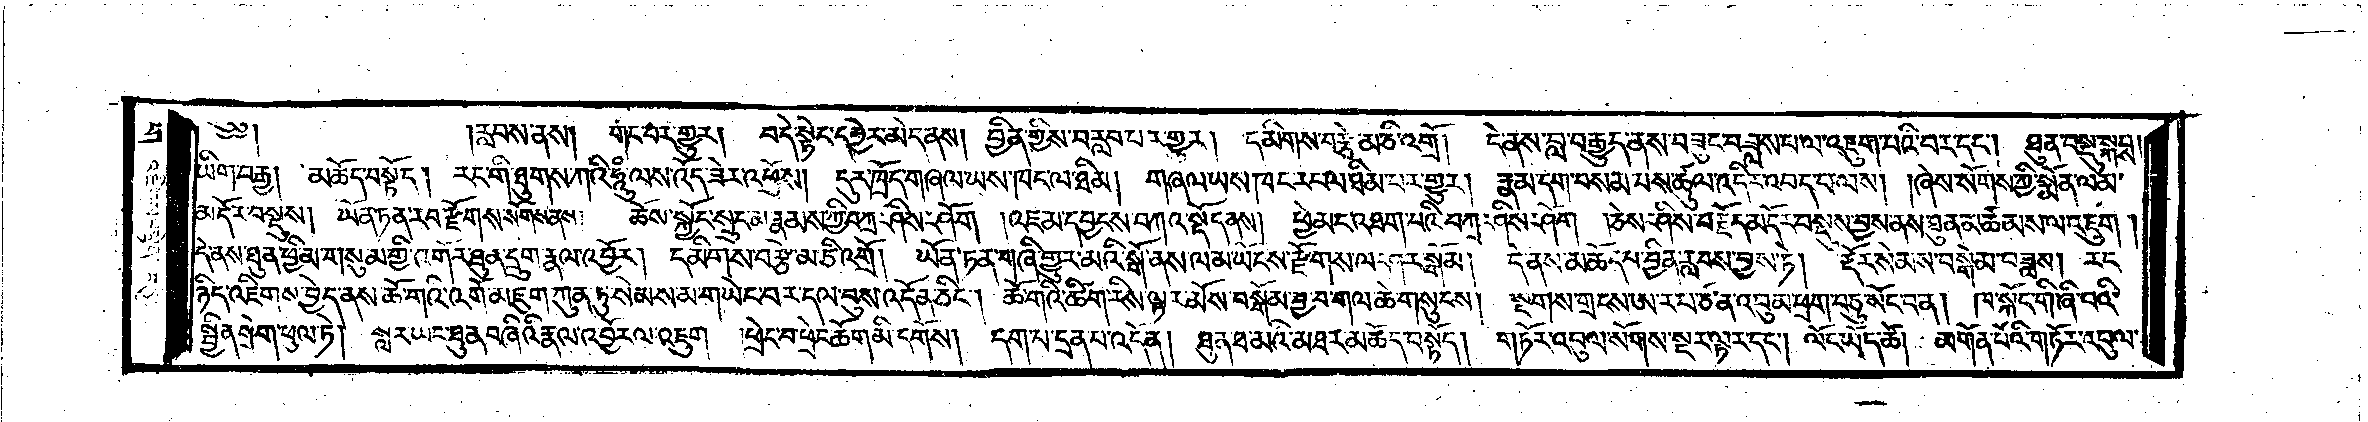༄༅། །རླབས་ནས། གང་བར་གྱུར། བདེ་སྟེང་དབྱེར་མེད་ནས། བྱིན་གྱིས་བརླབ་པར་གྱུར། དམིགས་བརྩེམ་ཅི་འགྲོ། དེ་ནས་བླ་བརྒྱུད་ནས་བཟུང་བཟླས་པ་ལ་འཇུག་པའི་བར་དང་། ཐུན་བསྡུ་སྐབས།
ཡིག་བརྒྱ། མཆོད་བསྟོད། རང་གི་ཐུགས་ཀའི་ཧཱུཾ་ལས་འོད་ཟེར་འཕྲོས། དུར་ཁྲོད་གཞལ་ཡས་ཁང་ལ་ཐིམ། གཞལ་ཡས་ཁང་རང་ལ་ཐིམ་པར་གྱུར། རྣམ་དག་བསམ་པས་ཚུལ་འདིར་འབད་པ་ལས། །ཞེས་སོགས་ཀྱི་སྨོན་ལམ་
མདོར་བསྡུས། ཡོན་ཏན་རབ་རྫོགས་སོགས་ནས། ཆོས་སྐྱོང་སྲུང་མ་རྣམས་ཀྱི་བཀྲ་ཤིས་ཤོག །འཇམ་དབྱངས་བཀའ་སྡོད་ནས། ཕྱེ་མངའ་ཐག་པའི་བཀྲ་ཤིས་ཤོག །ཅེས་ཤིས་བརྗོད་མདོར་བསྡུས་བྱས་ནས་ཐུན་མཚམས་ལ་འཇུག །
དེ་ནས་ཐུན་ཕྱི་མ་གསུམ་གྱི་འགོར་ཐུན་དྲུག་རྣལ་འབྱོར། དམིགས་བརྩེ་མ་ཅི་འགྲོ། ཡོན་ཏན་གཞི་གྱུར་མའི་སྒོ་ནས་ལམ་ཡོངས་རྫོགས་ལ་ཤར་སྒོམ། དེ་ནས་མཆོད་པ་བྱིན་རླབས་བྱས་ཏེ། རྡོར་སེམས་བསྒོམ་བཟླས། རང་
ཉིད་འཇིགས་བྱེད་ནས་ཆོ་གའི་འགོ་མཇུག་ཀུན་ཏུ་སེམས་མ་གཡེང་བར་དལ་བུས་འདོན་ཅིང་། ཆོ་གའི་ཚིག་རིས་ལྟར་མོས་བསྒོམ་བྱ་བ་གལ་ཆེ་གསུངས། སྔགས་གྲངས་ཨ་ར་པ་ཙ་ན་འབུམ་ཕྲག་བཅུ་སོང་བ་ན། ཁ་སྐོང་གི་ཞི་བའི་
སྦྱིན་སྲེག་ཕུལ་ཏེ། སླར་ཡང་ཐུན་བཞིའི་རྣལ་འབྱོར་ལ་འཇུག །ཕྲེང་བ་ཕྲེང་ཆོག་མི་དགོས། དག་པ་དྲན་པ་འདོན། ཐུན་ཐ་མའི་མཐར་མཆོད་བསྟོད། གཏོར་འབུལ་སོགས་སྔར་ལྟར་དང་། ལོང་ཡོད་ཚེ། མགོན་པོའི་གཏོར་འབུལ་